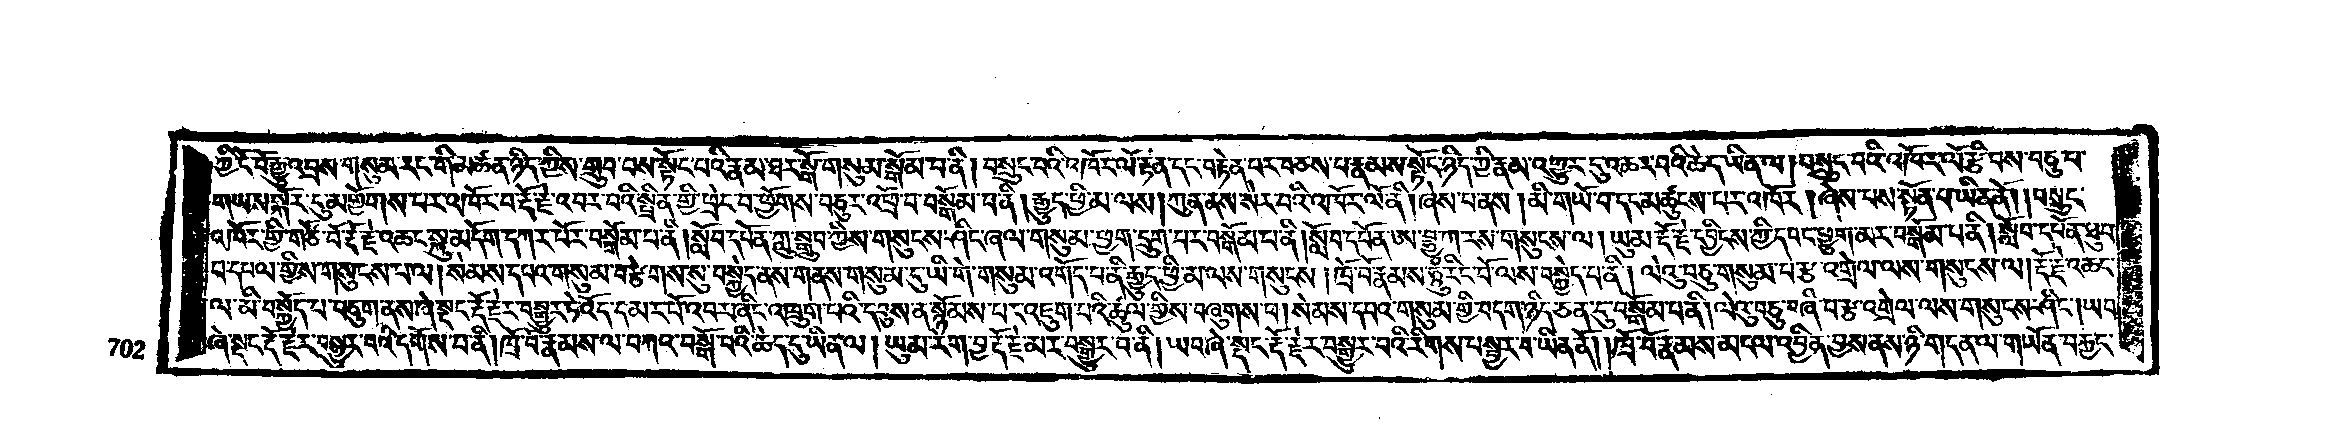ཀྱི་ངོ་བོ་རྒྱུ་འབྲས་གསུམ་རང་གི་མཚན་ཉིད་ཀྱིས་གྲུབ་པས་སྟོང་པའི་རྣམ་ཐར་སྒོ་གསུམ་སྒོམ་པ་ནི། བསྲུང་བའི་འཁོར་ལོ་རྟེན་དང་བརྟེན་པར་བཅས་པ་རྣམས་སྟོང་ཉིད་ཀྱི་རྣམ་འགྱུར་དུ་འཆར་བའི་ཆེད་ཡིན་ལ། བསྲུང་བའི་འཁོར་ལོ་རྩིབས་བཅུ་པ་
གཡས་སྐོར་དུ་མགྱོགས་པར་འཁོར་བ་རྡོ་རྗེ་འབར་བའི་སྤྲིན་གྱི་ཕྲེང་བ་ཕྱོགས་བཅུར་འཕྲོ་བ་བསྒོམ་པ་ནི། རྒྱུད་ཕྱི་མ་ལས། ཀུན་ནས་སེར་བའི་འཁོར་ལོ་ནི། ཞེས་པ་ནས། མི་གཡོ་བ་དང་མཚུངས་པར་འཁོར། ཞེས་པས་སྟོན་པ་ཡིན་ནོ། །བསྲུང་
འཁོར་གྱི་གཙོ་བོ་རྡོ་རྗེ་འཆང་སྐུ་མདོག་དཀར་པོར་བསྒོམ་པ་ནི། སློབ་དཔོན་ཀླུ་སྒྲུབ་ཀྱིས་གསུངས་ཤིང་ཞལ་གསུམ་ཕྱག་དྲུག་པར་བསྒོམ་པ་ནི། སློབ་དཔོན་ཨ་བྷྱ་ཀ་རས་གསུངས་ལ། ཡུམ་རྡོ་རྗེ་དབྱིངས་ཀྱི་དབང་ཕྱུག་མར་བསྒོམ་པ་ནི། སློབ་དཔོན་ཐུབ་
པ་དཔལ་གྱིས་གསུངས་པ་ལ། སེམས་དཔའ་གསུམ་བརྩེགས་སུ་བསྐྱེད་ནས་གནས་གསུམ་དུ་ཡི་གེ་གསུམ་འགོད་པ་ནི་རྒྱུད་ཕྱི་མ་ལས་གསུངས། ཁྲོ་བོ་རྣམས་ཧཱུཾ་རིང་པོ་ལས་བསྐྱེད་པ་ནི། ལེའུ་བཅུ་གསུམ་པ་རྩ་འགྲེལ་ལས་གསུངས་ལ། རྡོ་རྗེ་འཆང་
ལ་མི་བསྐྱོད་པ་བཅུག་ནས་ཞེ་སྡང་རྡོ་རྗེར་བསྒྱུར་ཏེ་འོད་དམར་པོ་འབར་ཞིང་འཁྲུག་པའི་དབུས་ན་སྙོམས་པར་འཇུག་པའི་ཚུལ་གྱིས་བཞུགས་པ། སེམས་དཔའ་གསུམ་གྱི་བདག་ཉིད་ཅན་དུ་བསྒོམ་པ་ནི། ལེའུ་བཅུ་བཞི་པ་རྩ་འགྲེལ་ལས་གསུངས་ཤིང་། ཡབ་
ཞེ་སྡང་རྡོ་རྗེར་བསྒྱུར་བའི་དགོས་པ་ནི། ཁྲོ་བོ་རྣམས་ལ་བཀའ་བསྒོ་བའི་ཆེད་དུ་ཡིན་ལ། ཡུམ་རེག་བྱ་རྡོ་རྗེ་མར་བསྒྱུར་བ་ནི། ཡབ་ཞེ་སྡང་རྡོ་རྗེར་བསྒྱུར་བའི་རིགས་པ་སྦྱར་བ་ཡིན་ནོ། །ཁྲོ་བོ་རྣམས་མངལ་འབྱིན་བྱས་ནས་ཉི་གདན་ལ་གཡོན་བརྐྱང་